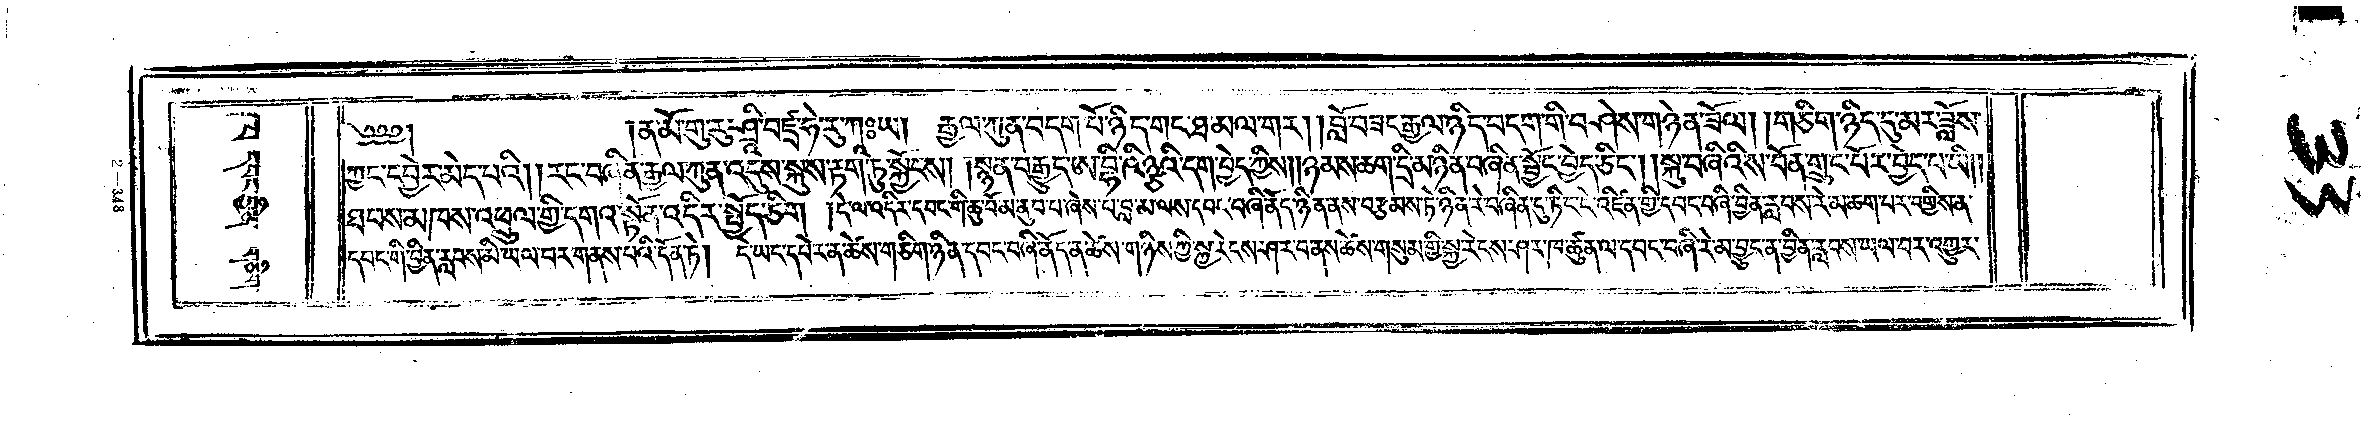༄༅༅། །ན་མོ་གུ་རུ་ཤྲཱི་བཛྲ་ཧེ་རུ་ཀཱཿཡ། རྒྱལ་ཀུན་བདག་པོ་ཉིད་གང་ཐ་མལ་གར། །བློ་བཟང་རྒྱལ་ཉིད་བདག་གི་བཤེས་གཉེན་ཟོལ། །གཅིག་ཉིད་དུ་མར་ཟློས་
ཀྱང་དབྱེར་མེད་པའི། །རང་བཞིན་རྒྱལ་ཀུན་འདུས་སྐུས་རྟག་ཏུ་སྐྱོངས། །སྙན་བརྒྱུད་ཨ་བྷི་ཥིཉྩའི་དག་བྱེད་ཀྱིས། །ཉམས་ཆག་དྲི་མ་ཉིན་བཞིན་སྦྱོང་བྱེད་ཅིང་། །སྐུ་བཞིའི་ས་བོན་གྲུང་པོར་བྱེད་པ་ཡི།།
ཐབས་མཁས་འཕྲུལ་གྱི་དགའ་སྟོན་འདིར་སྤྱོད་ཅིག །དེ་ལ་འདིར་དབང་གི་ཆུ་བོ་མ་ནུབ་པ་ཞེས་པ་བླ་མ་ལས་དབང་བཞི་ནོད་ཉིན་ནས་བརྩམས་ཏེ་ཉིན་རེ་བཞིན་དུ་ཏིང་ངེ་འཛིན་གྱི་དབང་བཞི་བྱིན་རླབས་རེ་མ་ཆག་པར་བགྱིས་ན་
དབང་གི་བྱིན་རླབས་མི་ཡལ་བར་གནས་པའི་དོན་ཏེ། དེ་ཡང་དཔེར་ན་ཚེས་གཅིག་ཉིན་དབང་བཞི་ནོད་ན་ཚེས་གཉིས་ཀྱི་སྐྱ་རེངས་ཤར་བ་ནས་ཚེས་གསུམ་གྱི་སྐྱ་རེངས་ཤར་ཁ་ཚུན་ལ་དབང་བཞི་རེ་མ་བྱུང་ན་བྱིན་རླབས་ཡལ་བར་འགྱུར་